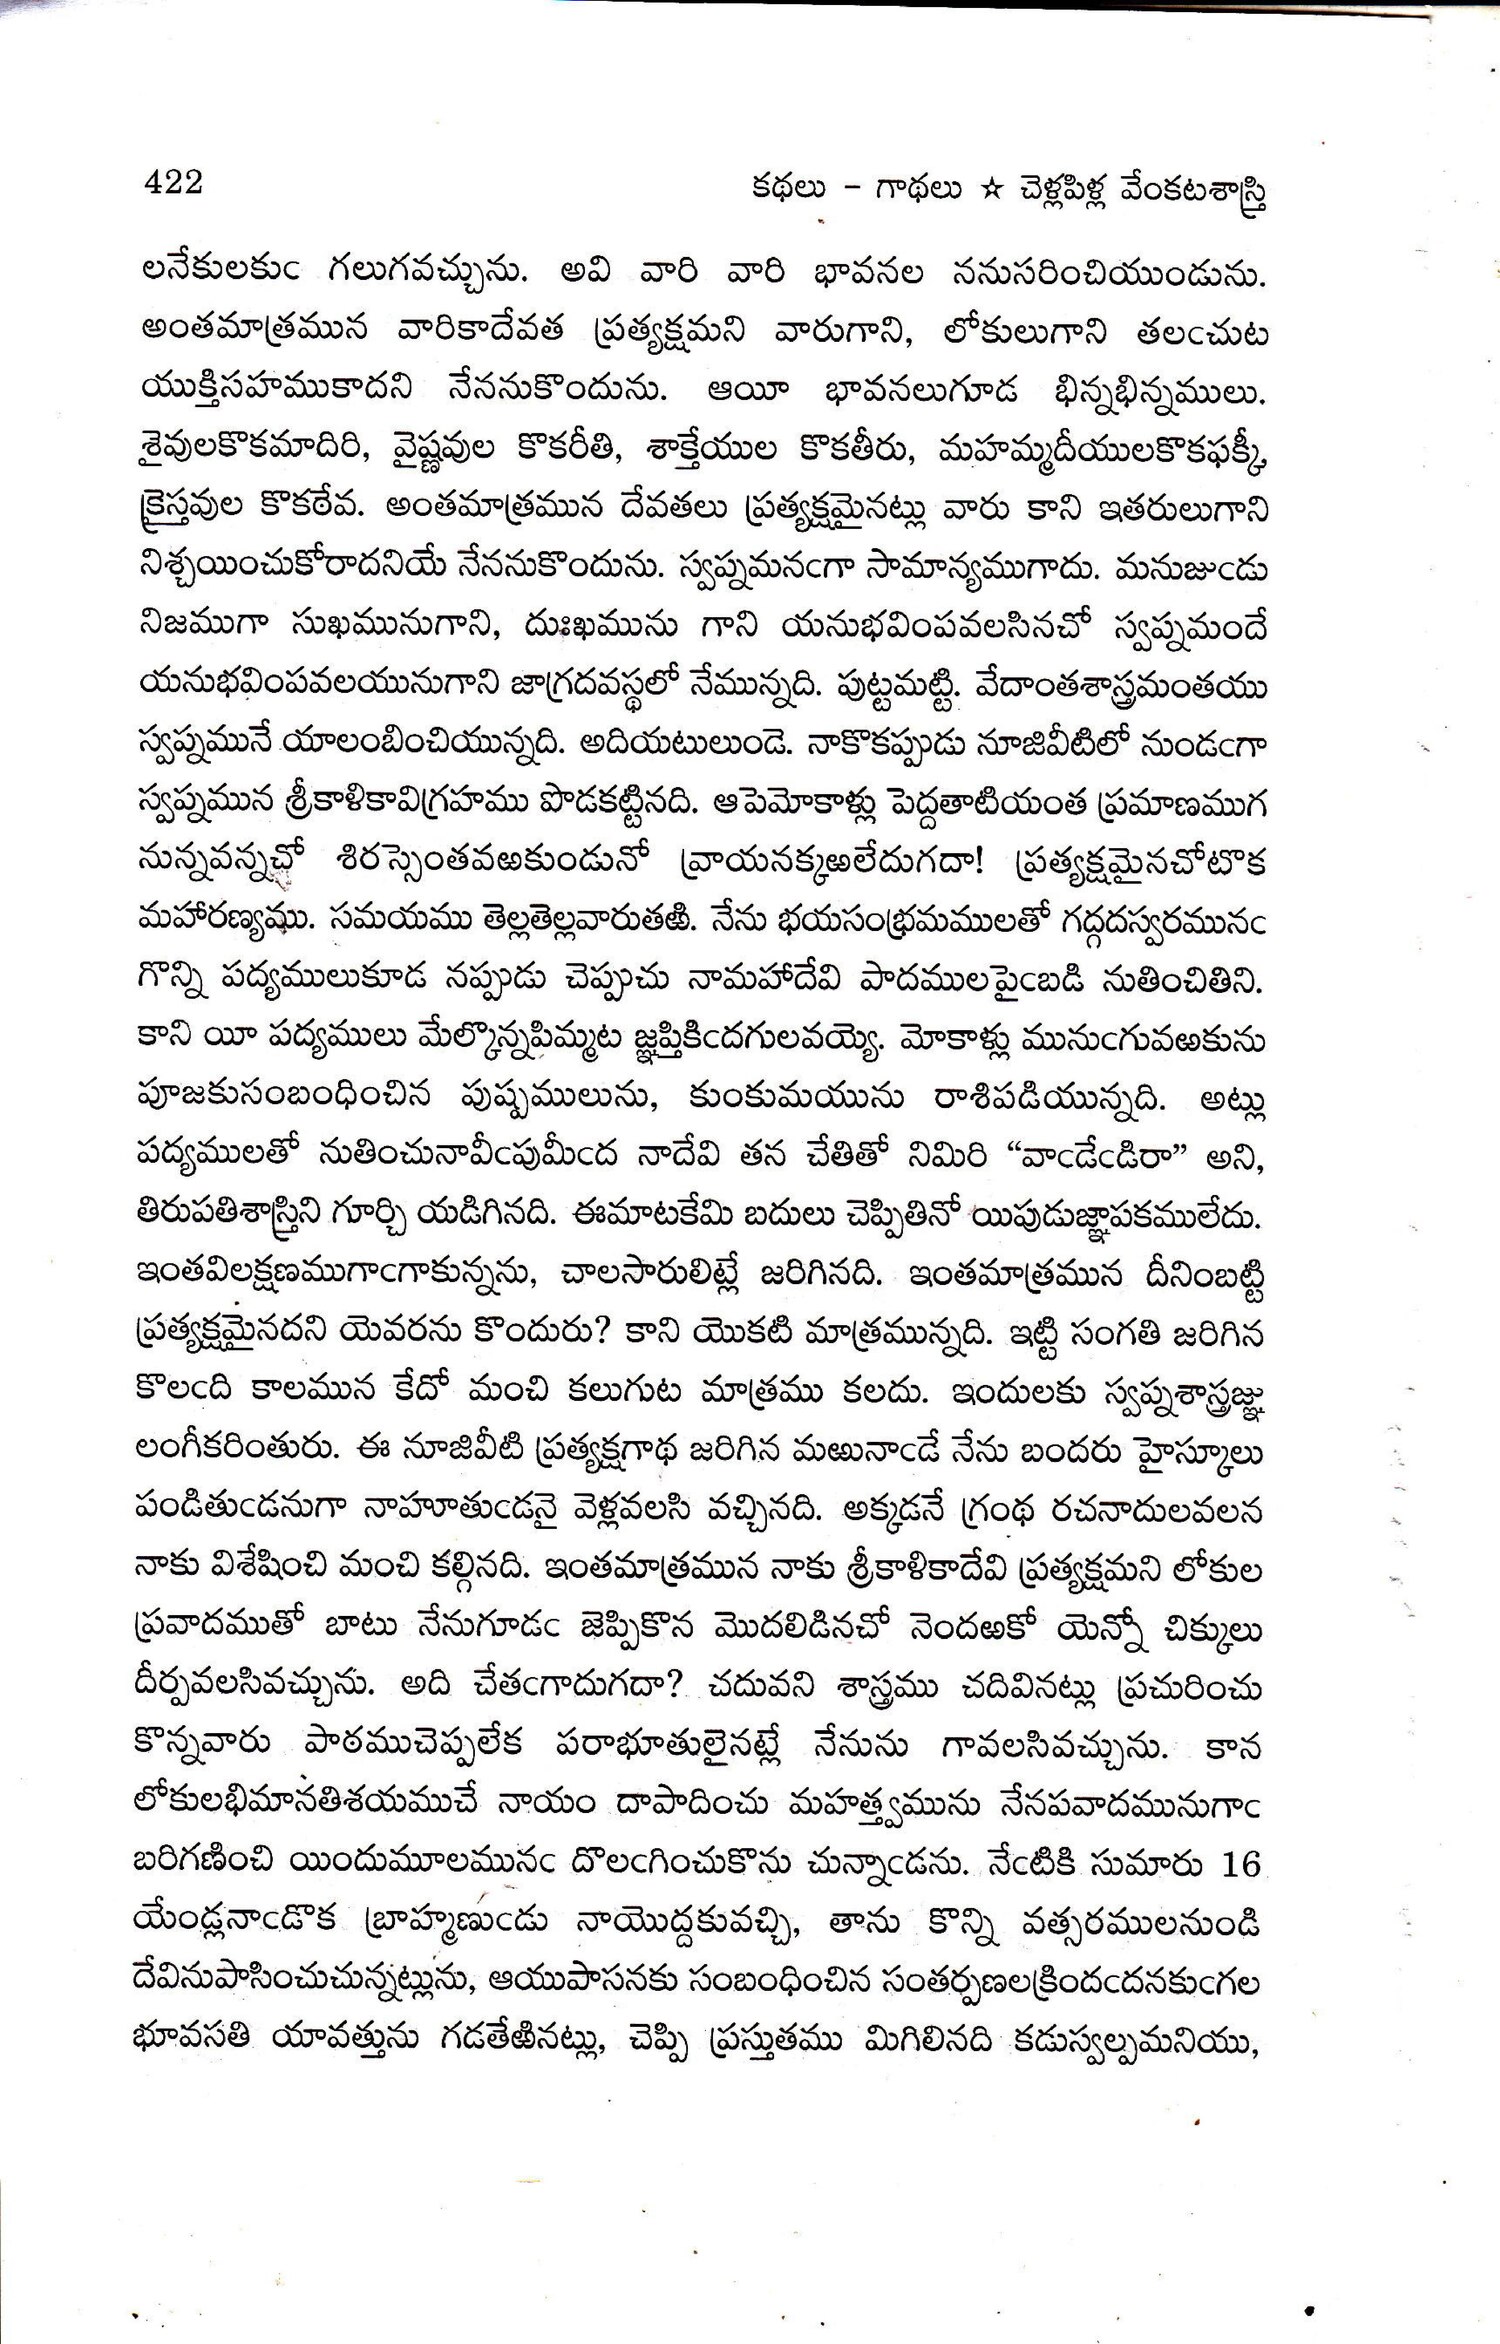లనేకులకుఁ గలుగవచ్చును. అవి వారి వారి భావనల ననుసరించియుండును. అంతమాత్రమున వారికాదేవత ప్రత్యక్షమని వారుగాని, లోకులుగాని తలఁచుట యుక్తిసహముకాదని నేననుకొందును. ఆయీ భావనలుగూడ భిన్నభిన్నములు. శైవులకొకమాదిరి, వైష్ణవుల కొకరీతి, శాక్తేయుల కొకతీరు, మహమ్మదీయులకొకఫక్కీ క్రైస్తవుల కొకఠేవ. అంతమాత్రమున దేవతలు ప్రత్యక్షమైనట్లు వారు కాని ఇతరులుగాని నిశ్చయించుకోరాదనియే నేననుకొందును. స్వప్నమనఁగా సామాన్యముగాదు. మనుజుఁడు నిజముగా సుఖమునుగాని, దుఃఖమును గాని యనుభవింపవలసినచో స్వప్నమందే యనుభవింపవలయునుగాని జాగ్రదవస్థలో నేమున్నది. పుట్టమట్టి, వేదాంతశాస్త్రమంతయు స్వప్నమునే యాలంబించియున్నది. అదియటులుండె. నాకొకప్పుడు నూజివీటిలో నుండఁగా స్వప్నమున శ్రీకాళికావిగ్రహము పొడకట్టినది. ఆపెమోకాళ్లు పెద్దతాటియంత ప్రమాణముగ నున్నవన్నచో శిరస్సెంతవఱకుండునో వ్రాయనక్కఱలేదుగదా! ప్రత్యక్షమైనచోటొక మహారణ్యము. సమయము తెల్లతెల్లవారుతఱి. నేను భయసంభ్రమములతో గద్గదస్వరమునఁ గొన్ని పద్యములుకూడ నప్పుడు చెప్పుచు నామహాదేవి పాదములపైఁబడి నుతించితిని. కాని యీ పద్యములు మేల్కొన్నపిమ్మట జ్ఞప్తికిఁదగులవయ్యె మోకాళ్లు మునుఁగువఱకును పూజకుసంబంధించిన పుష్పములును, కుంకుమయును రాశిపడియున్నది. అట్లు పద్యములతో నుతించునావీఁపుమీఁద నాదేవి తన చేతితో నిమిరి “వాఁడేcడిరా" అని, తిరుపతిశాస్త్రిని గూర్చియడిగినది. ఈమాటకేమి బదులు చెప్పితినో యిపుడుజ్ఞాపకములేదు. ఇంతవిలక్షణముగాఁగాకున్నను, చాలసారులిట్లే జరిగినది. ఇంతమాత్రమున దీనింబట్టి ప్రత్యక్షమైనదని యెవరను కొందురు? కాని యొకటి మాత్రమున్నది. ఇట్టి సంగతి జరిగిన కొలఁది కాలమున కేదో మంచి కలుగుట మాత్రము కలదు. ఇందులకు స్వప్నశాస్త్రజ్ఞు లంగీకరింతురు. ఈ నూజివీటి ప్రత్యక్షగాథ జరిగిన మఱునాఁడే నేను బందరు హైస్కూలు పండితుఁడనుగా నాహూతుఁడనై వెళ్లవలసి వచ్చినది. అక్కడనే గ్రంథ రచనాదులవలన నాకు విశేషించి మంచి కల్గినది. ఇంతమాత్రమున నాకు శ్రీకాళికాదేవి ప్రత్యక్షమని లోకుల ప్రవాదముతో బాటు నేనుగూడఁ జెప్పికొన మొదలిడినచో నెందఱకో యెన్నో చిక్కులు దీర్పవలసివచ్చును. అది చేతఁగాదుగదా? చదువని శాస్త్రము చదివినట్లు ప్రచురించు కొన్నవారు పాఠముచెప్పలేక పరాభూతులైనట్లే నేనును గావలసివచ్చును. కాన లోకులభిమానతిశయముచే నాయం దాపాదించు మహత్త్వమును నేనపవాదమునుగాఁ బరిగణించి యిందుమూలమునఁ దొలఁగించుకొను చున్నాఁడను. నేఁటికి సుమారు 16 యేండ్లనాఁడొక బ్రాహ్మణుఁడు నాయొద్దకువచ్చి, తాను కొన్ని వత్సరములనుండి దేవినుపాసించుచున్నట్లును, ఆయుపాసనకు సంబంధించిన సంతర్పణలక్రిందఁదనకుఁగల భూవసతి యావత్తును గడతేఱినట్లు, చెప్పి ప్రస్తుతము మిగిలినది కడుస్వల్పమనియు,